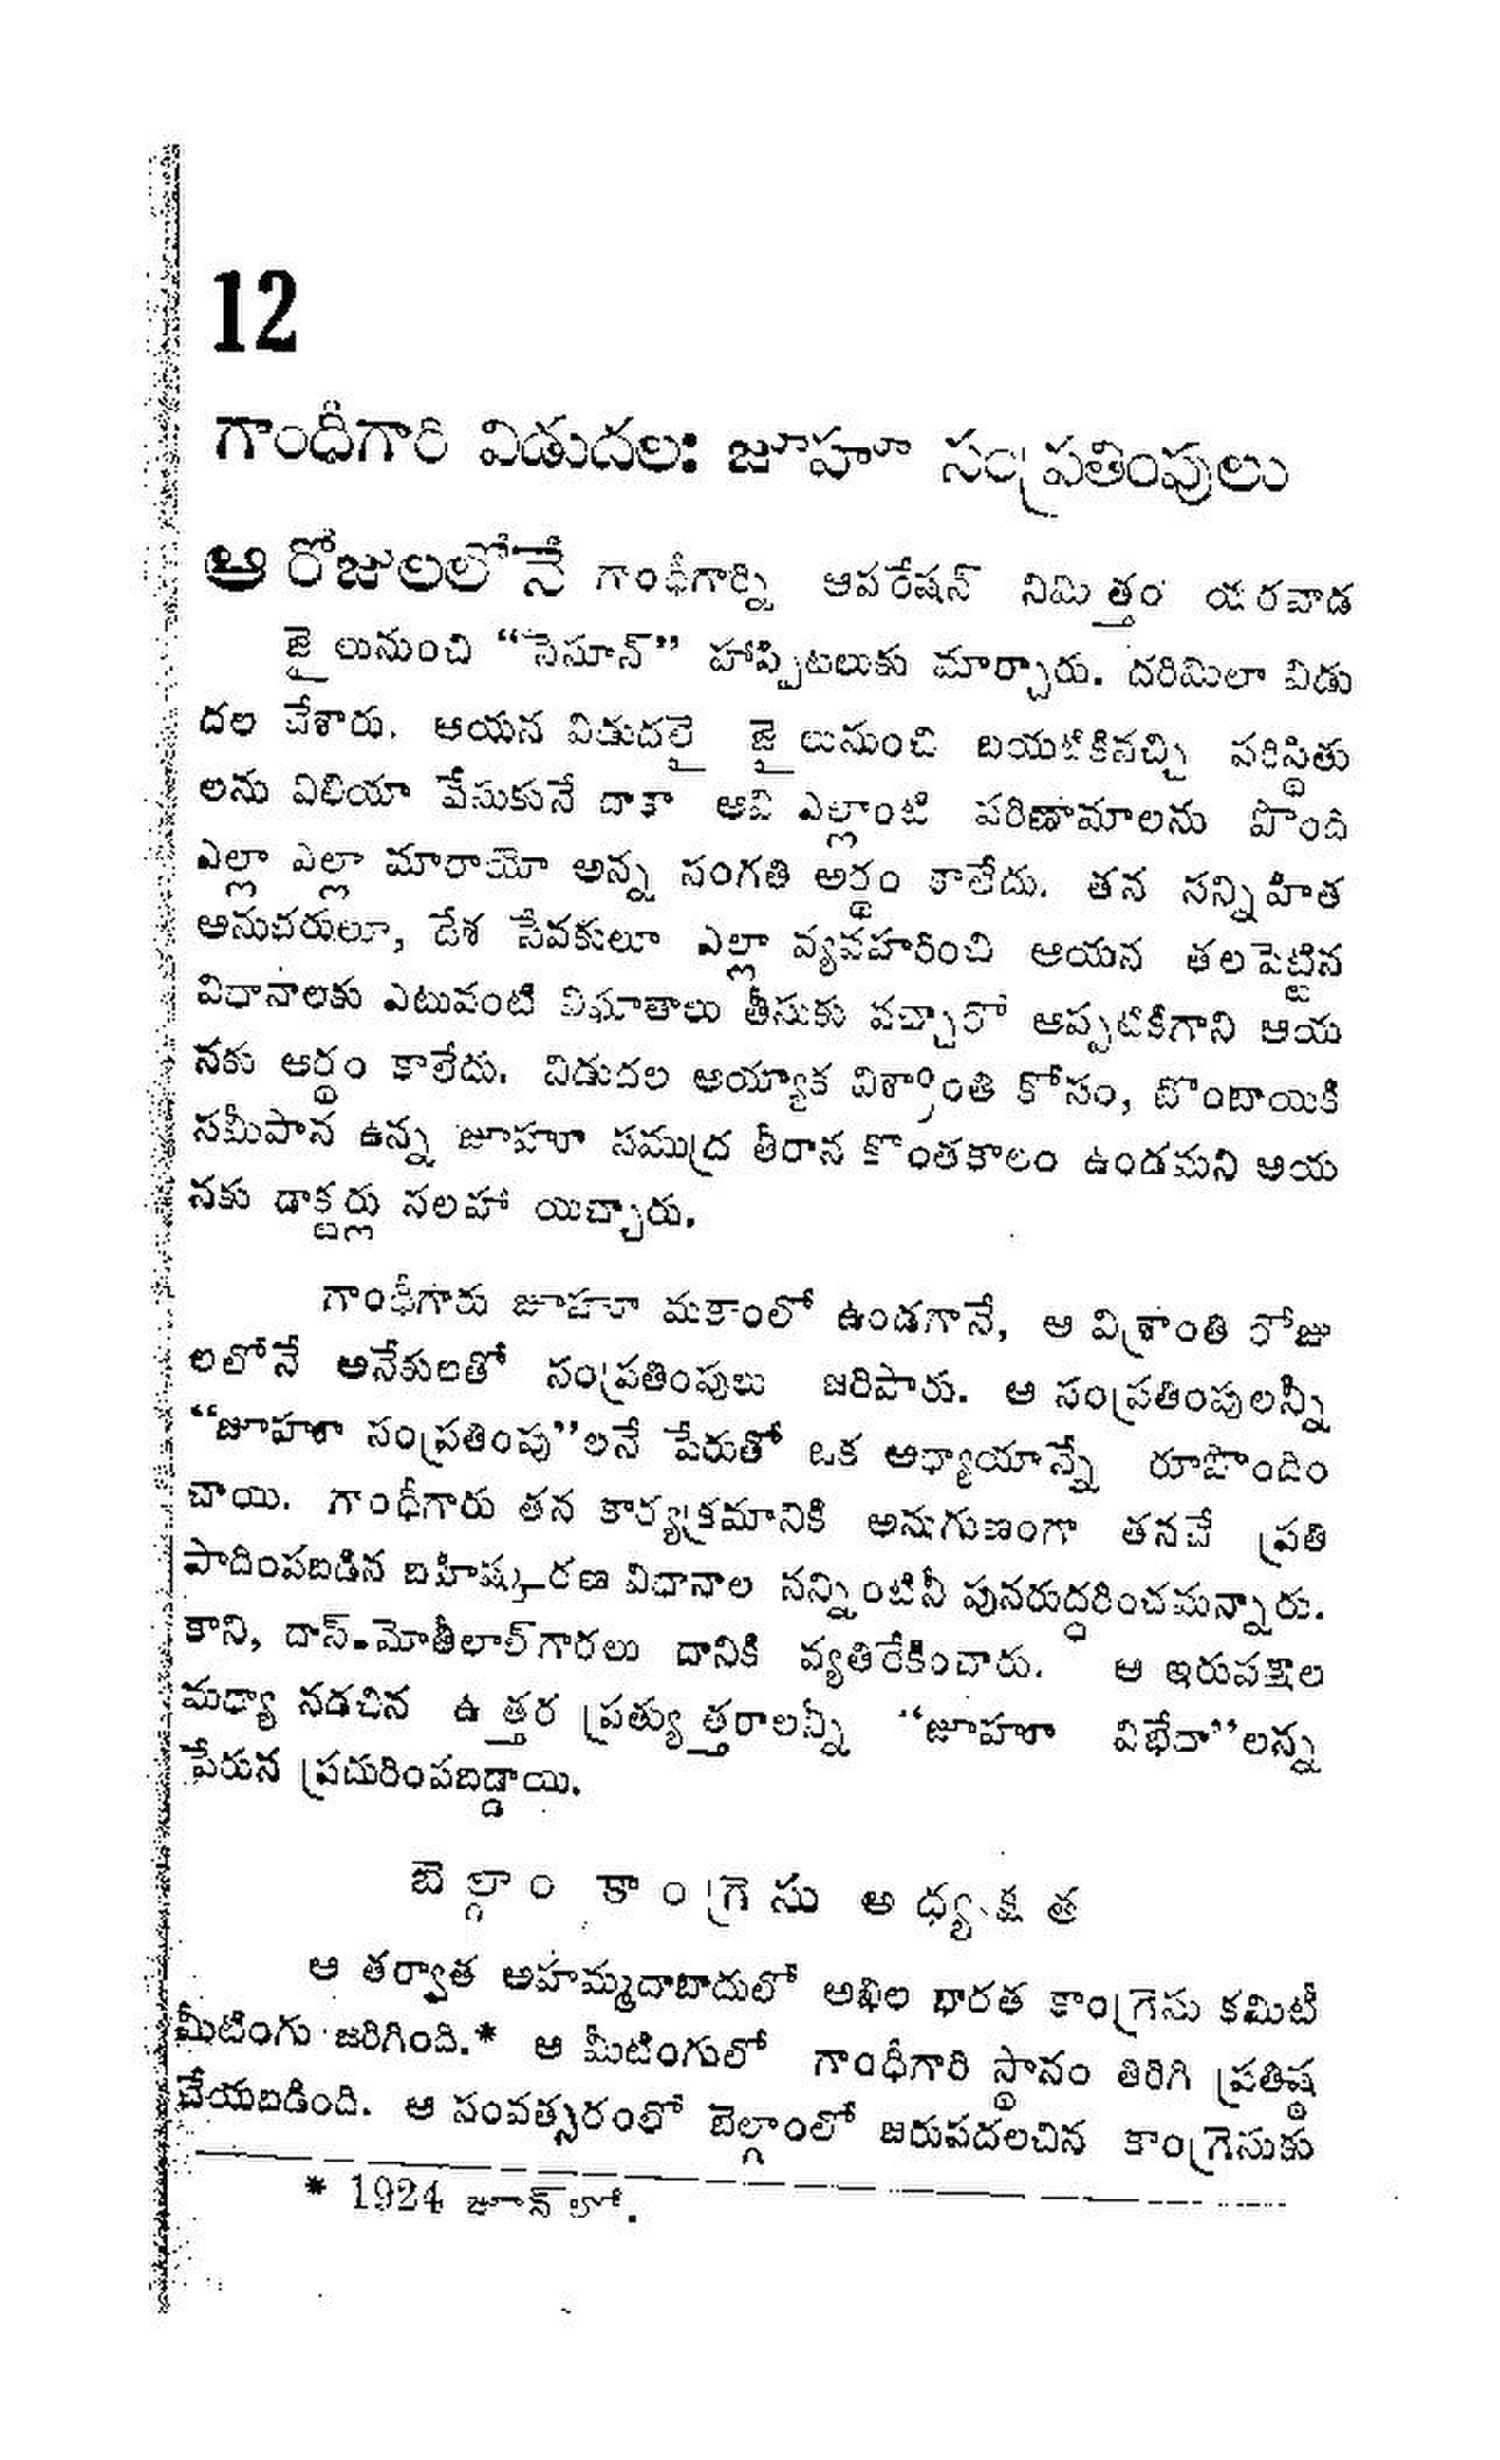ఆ రోజులలోనే గాంధీగార్ని ఆపరేషన్ నిమిత్తం యరవాడ జైలునుంచి "సెసూన్" హాస్పిటలుకు మార్చారు. దరిమిలా విడుదల చేశారు. ఆయన విడుదలై జైలునుంచి బయటికివచ్చి పరిస్థితులను విలియా వేసుకునే దాకా అవి ఎల్లాంటి పరిణామాలను పొంది ఎల్లా ఎల్లా మారాయో అన్న సంగతి అర్థం కాలేదు. తన సన్నిహిత అనుచరులూ, దేశ సేవకులూ ఎల్లా వ్యవహరించి ఆయన తలపెట్టిన విధానాలకు ఎటువంటి విఘాతాలు తీసుకు వచ్చారో అప్పటికిగాని ఆయనకు అర్థం కాలేదు. విడుదల అయ్యాక విశ్రాంతి కోసం, బొంబాయికి సమీపాన ఉన్న జూహూ సముద్ర తీరాన కొంతకాలం ఉండమని ఆయనకు డాక్టర్లు సలహా యిచ్చారు.

గాంధీగారు జూహూ మకాంలో ఉండగానే, ఆ విశ్రాంతి రోజులలోనే అనేకులతో సంప్రతింపులు జరిపారు. అ సంప్రతింపులన్నీ "జూహూ సంప్రతింపు"లనే పేరుతో ఒక అధ్యాయాన్నే రూపొందించాయి. గాంధీగారు తన కార్యక్రమానికి అనుగుణంగా తనచే ప్రతిపాదింపబడిన బహిష్కరణ విధానాల నన్నింటినీ పునరుద్దరించమన్నారు. కాని, దాస్-మోతిలాల్‌గారలు దానికి వ్యతిరేకించారు. ఆ ఇరుపక్షాల మధ్యా నడచిన ఉత్తర ప్రత్యుత్తరాలన్నీ "జూహూ విభేదా"లన్న పేరున ప్రచురింపబడ్డాయి.

ఆ తర్వాత అహమ్మదాబాదులో అఖిల భారత కాంగ్రెసు కమిటీ మీటింగు జరిగింది.ఆ మీటింగులో గాంధీగారి స్థానం తిరిగి ప్రతిష్ఠ చేయబడింది. ఆ సంవత్సరంలో బెల్గాంలో జరుపదలచిన కాంగ్రెసుకు